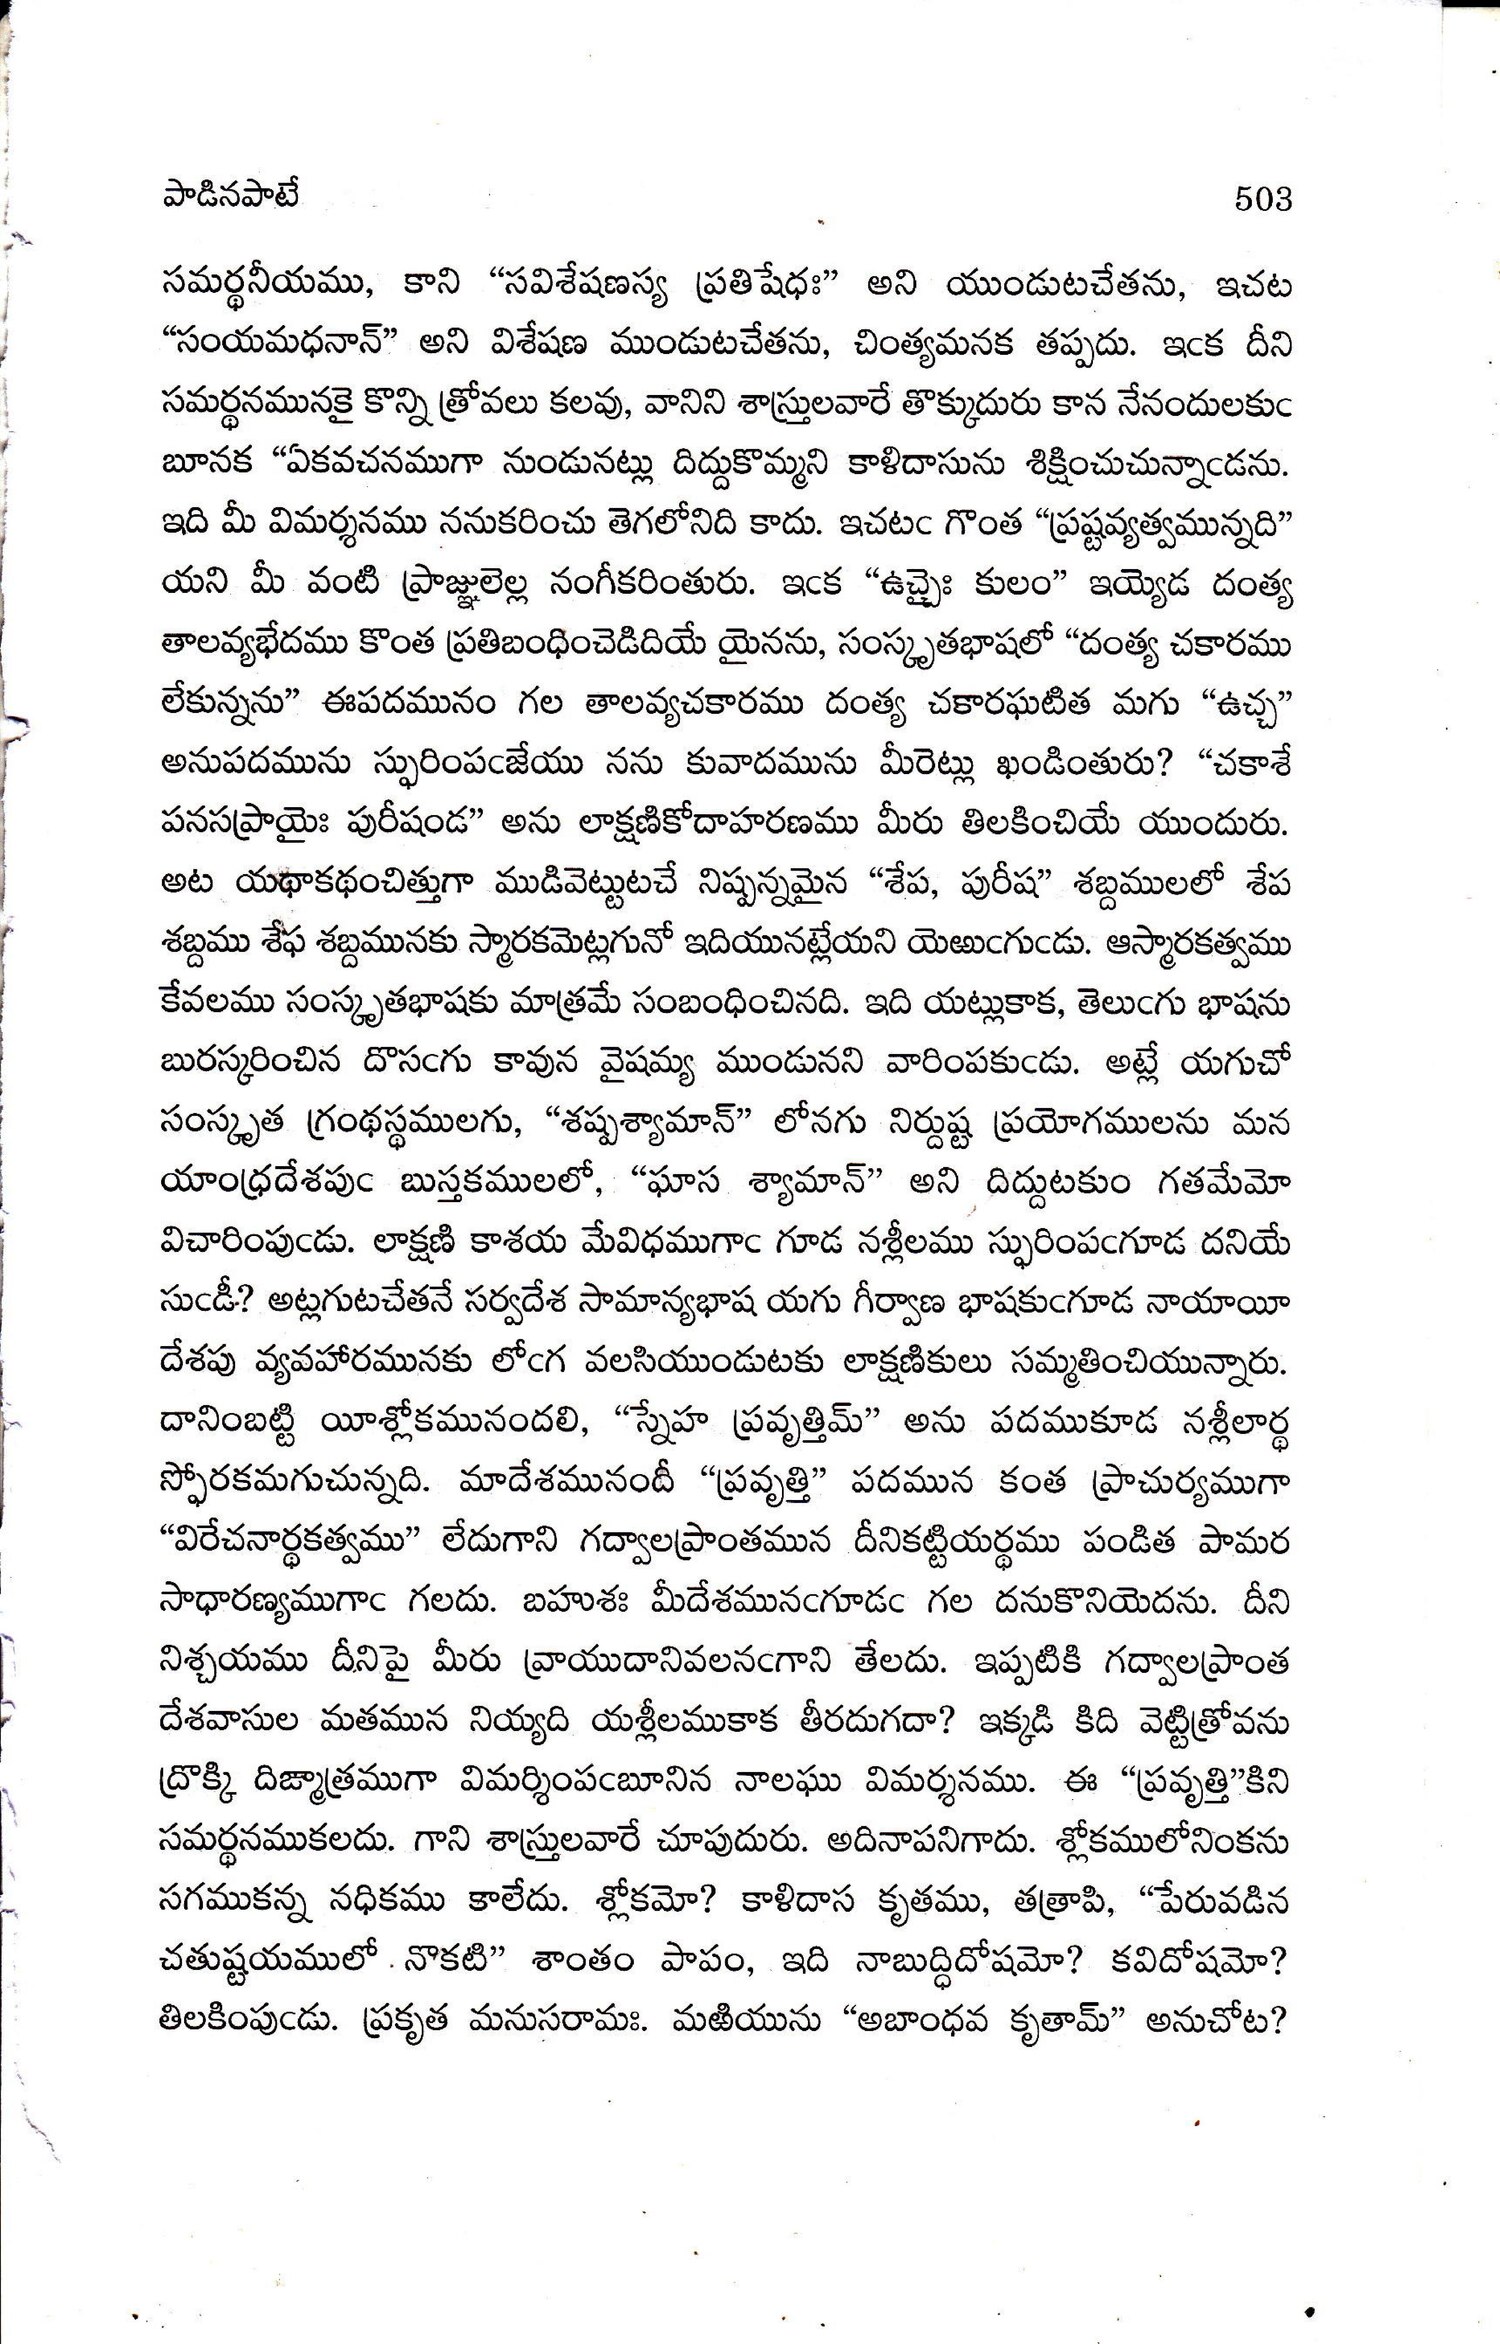సమర్థనీయము, కాని “సవిశేషణస్య ప్రతిషేధః" అని యుండుటచేతను, ఇచట “సంయమధనాన్" అని విశేషణ ముండుటచేతను, చింత్యమనక తప్పదు. ఇఁక దీని సమర్ధనమునకై కొన్ని త్రోవలు కలవు, వానిని శాస్త్రులవారే తొక్కుదురు కాన నేనందులకుఁ బూనక “ఏకవచనముగా నుండునట్లు దిద్దుకొమ్మని కాళిదాసును శిక్షించుచున్నాఁడను. ఇది మీ విమర్శనము ననుకరించు తెగలోనిది కాదు. ఇచటఁ గొంత “ప్రష్టవ్యత్వమున్నది" యని మీ వంటి ప్రాజ్ఞులెల్ల నంగీకరింతురు. ఇఁక "ఉచ్చైః కులం" ఇయ్యెడ దంత్య తాలవ్యభేదము కొంత ప్రతిబంధించెడిదియే యైనను, సంస్కృతభాషలో “దంత్య చకారము లేకున్నను " ఈపదమునం గల తాలవ్యచకారము దంత్య చకారఘటిత మగు “ఉచ్చ” అనుపదమును స్ఫురింపఁజేయు నను కువాదమును మీరెట్లు ఖండింతురు? ‘చకాశే పనసప్రాయైః పురీషండ" అను లాక్షణికోదాహరణము మీరు తిలకించియే యుందురు. అట యథాకథంచిత్తుగా ముడివెట్టుటచే నిష్పన్నమైన “శేప, పురీష" శబ్దములలో శేప శబ్దము శేఫ శబ్దమునకు స్మారకమెట్లగునో ఇదియునట్లేయని యెఱుఁగుఁడు. ఆస్మారకత్వము కేవలము సంస్కృతభాషకు మాత్రమే సంబంధించినది. ఇది యట్లుకాక, తెలుఁగు భాషను బురస్కరించిన దొసఁగు కావున వైషమ్య ముండునని వారింపకుఁడు. అట్లే యగుచో సంస్కృత గ్రంథస్థములగు, “శష్పశ్యామాన్" లోనగు నిర్దుష్ట ప్రయోగములను మన యాంధ్రదేశపుఁ బుస్తకములలో, "ఘాస శ్యామాన్" అని దిద్దుటకుం గతమేమో విచారింపుఁడు. లాక్షణి కాశయ మేవిధముగాఁ గూడ నశ్లీలము స్ఫురింపఁగూడ దనియే సుఁడీ? అట్లగుటచేతనే సర్వదేశ సామాన్యభాష యగు గీర్వాణ భాషకుఁగూడ నాయాయీ దేశపు వ్యవహారమునకు లోఁగ వలసియుండుటకు లాక్షణికులు సమ్మతించియున్నారు. దానింబట్టి యీశ్లోకమునందలి, “స్నేహ ప్రవృత్తిమ్” అను పదముకూడ నశ్లీలార్థ స్ఫోరకమగుచున్నది. మాదేశమునందీ “ప్రవృత్తి" పదమున కంత ప్రాచుర్యముగా "విరేచనార్థకత్వము" లేదుగాని గద్వాలప్రాంతమున దీనికట్టియర్థము పండిత పామర సాధారణ్యముగాఁ గలదు. బహుశః మీదేశమునఁగూడఁ గల దనుకొనియెదను. దీని నిశ్చయము దీనిపై మీరు వ్రాయుదానివలనఁగాని తేలదు. ఇప్పటికి గద్వాలప్రాంత దేశవాసుల మతమున నియ్యది యశ్లీలముకాక తీరదుగదా? ఇక్కడి కిది వెట్టిత్రోవను ద్రోక్కి దిఙ్మాత్రముగా విమర్శింపఁబూనిన నాలఘు విమర్శనము. ఈ “ప్రవృత్తి"కిని సమర్థనముకలదు. గాని శాస్త్రులవారే చూపుదురు. అదినాపనిగాదు. శ్లోకములోనింకను సగముకన్న నధికము కాలేదు. శ్లోకమో? కాళిదాస కృతము, తత్రాపి, “పేరువడిన చతుష్టయములో నొకటి" శాంతం పాపం, ఇది నాబుద్ధిదోషమో? కవిదోషమో? తిలకింపుఁడు. ప్రకృత మనుసరామః. మఱియును "అబాంధవ కృతామ్" అనుచోట?